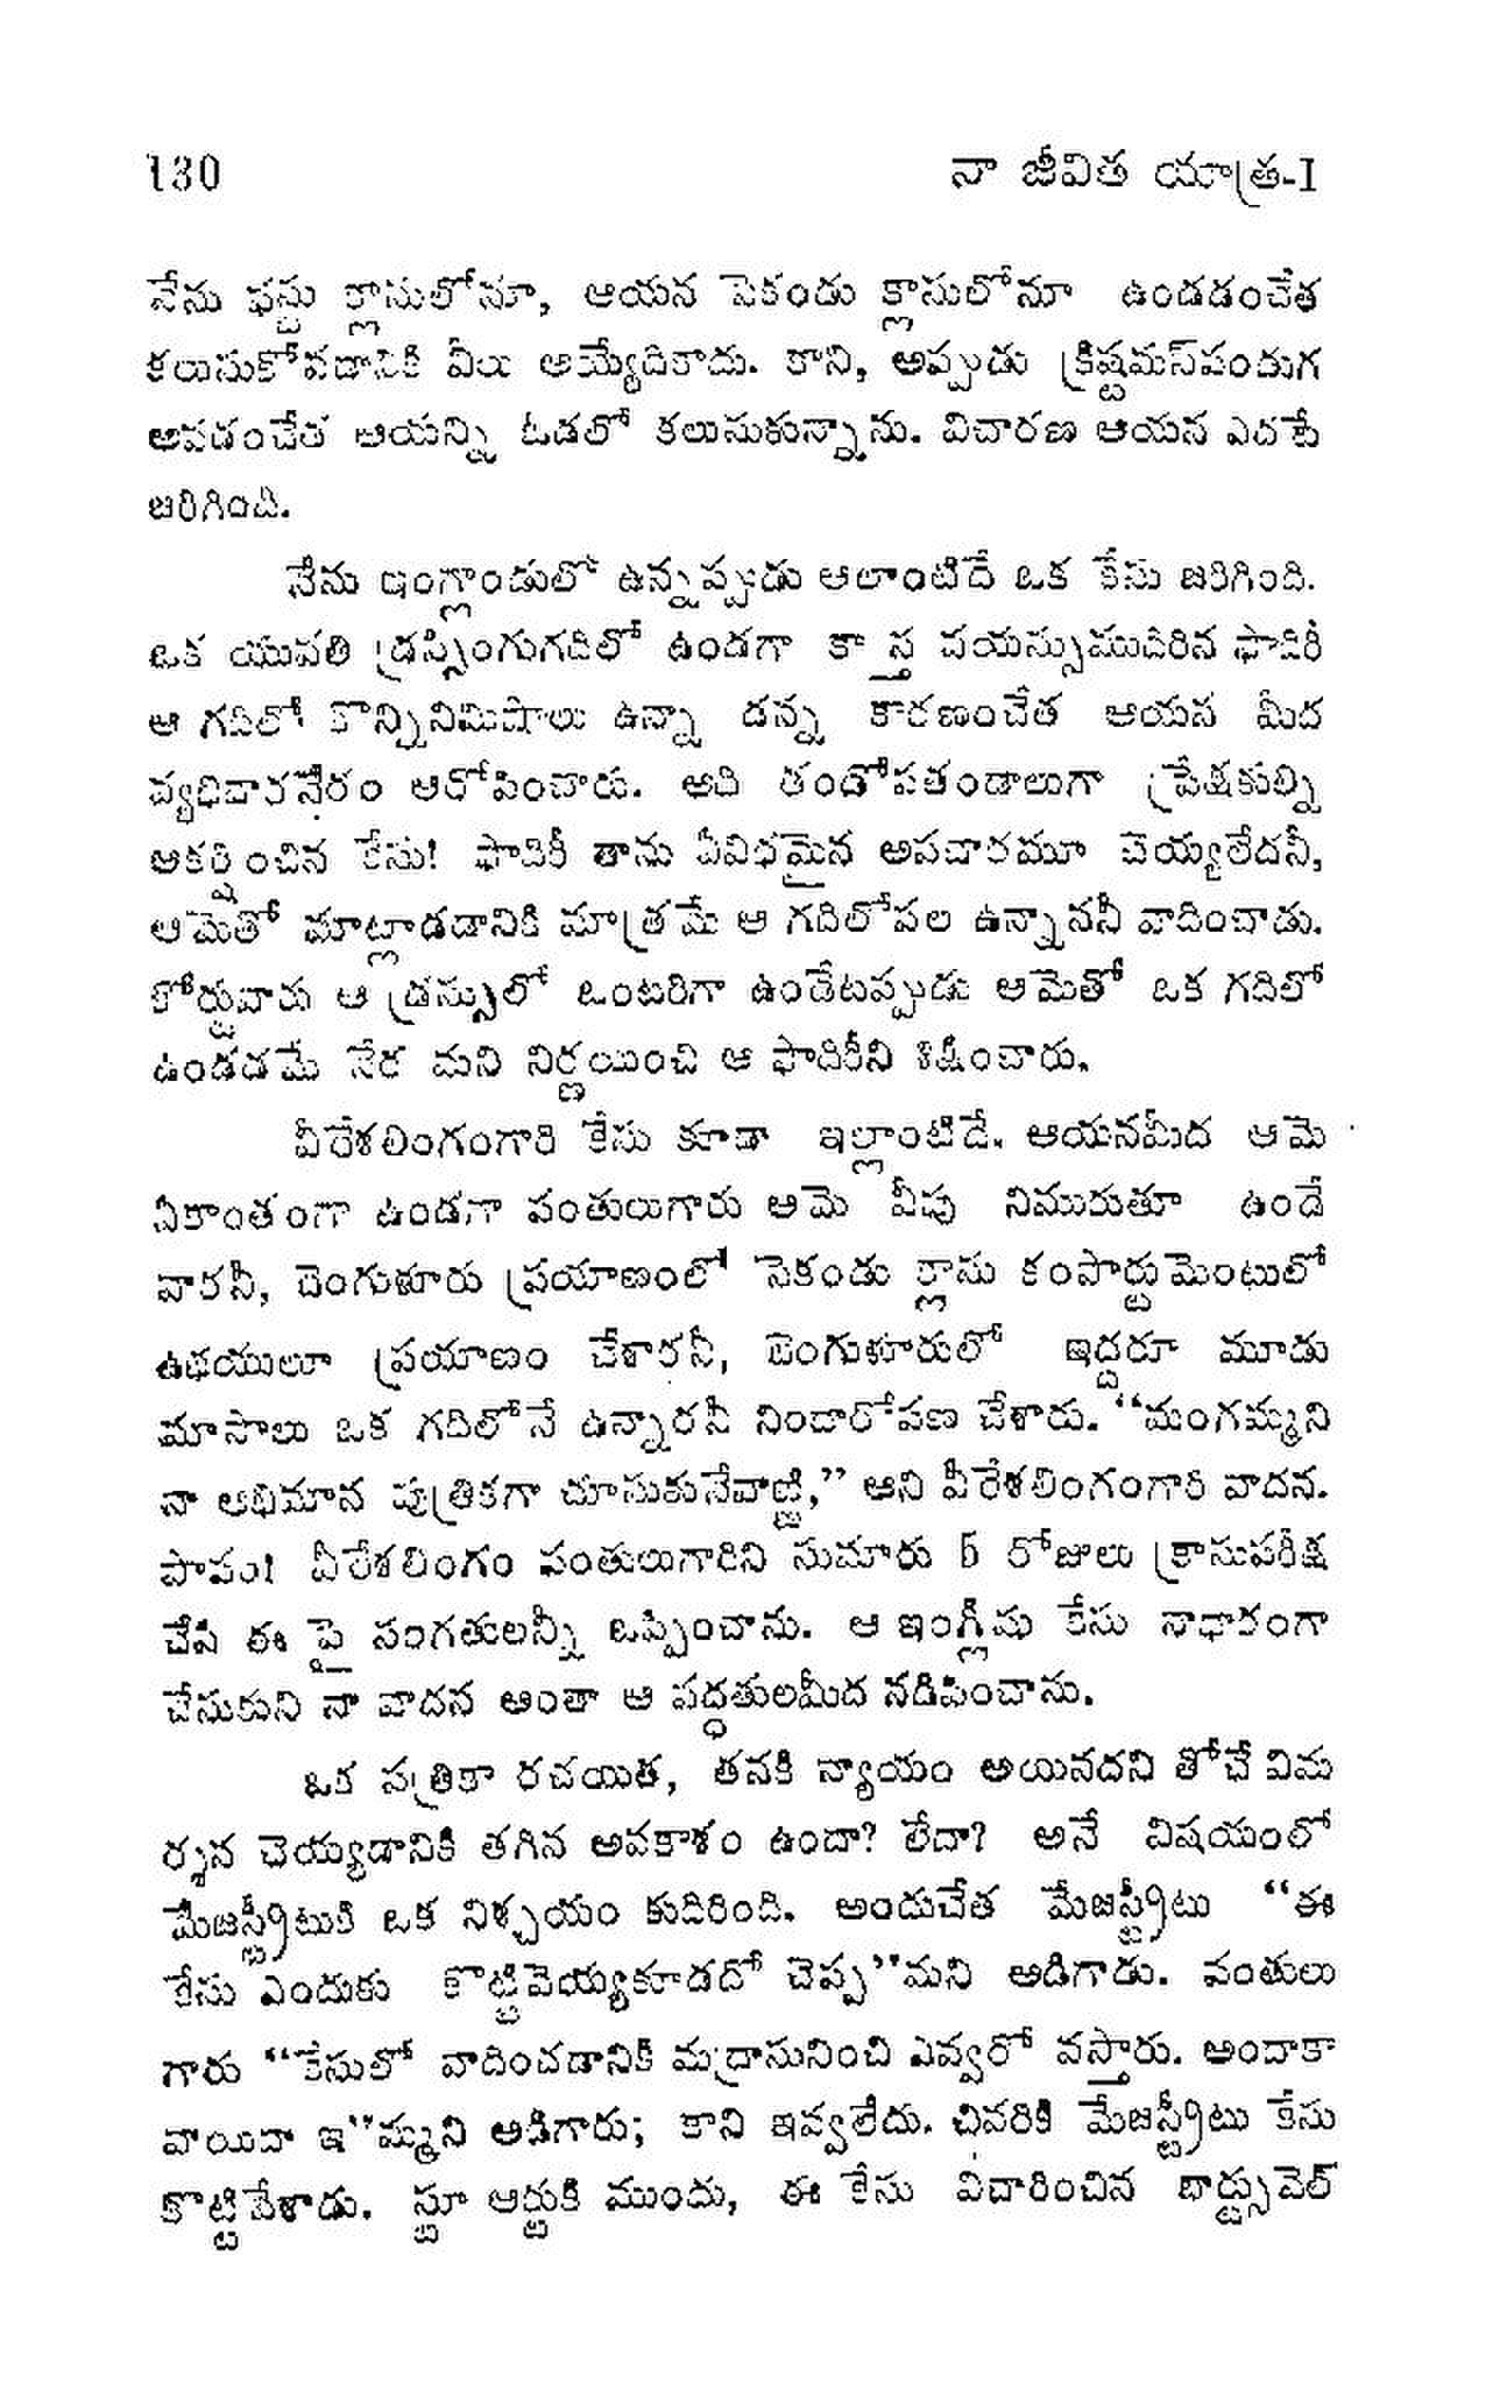నేను ఫస్టు క్లాసులోనూ, ఆయన సెకండు క్లాసులోనూ ఉండడంచేత కలుసుకోవడానికి వీలు అయ్యేదికాదు. కాని, అప్పుడు క్రిస్టమస్‌పండుగ అవడంచత ఆయన్ని ఓడలో కలుసుకున్నాను. విచారణ ఆయన ఎదటే జరిగింది.

నేను ఇంగ్లాండులో ఉన్నప్పుడు ఆలాంటిదే ఒక కేసు జరిగింది. ఒక యువతి డ్రస్సింగుగదిలో ఉండగా కాస్త వయస్సు ముదిరిన ఫాదిరీ ఆ గదిలో కొన్నినిమిషాలు ఉన్నా డన్న కారణంచేత ఆయన మీద వ్యభిచారనేరం ఆరోపించారు. అది తండోపతండాలుగా ప్రేక్షకుల్ని ఆకర్షించిన కేసు! ఫాదిరీ తాను ఏవిధమైన అపచారమూ చెయ్యలేదనీ, ఆమెతో మాట్లాడడానికి మాత్రమే ఆ గదిలోపల ఉన్నాననీ వాదించాడు. కోర్టువారు ఆ డ్రస్సులో ఒంటరిగా ఉండేటప్పుడు ఆమెతో ఒక గదిలో ఉండడమే నేర మని నిర్ణయించి ఆ ఫాదిరీని శిక్షించారు.

వీరేశలింగంగారి కేసు కూడా ఇల్లాంటిదే. ఆయనమీద ఆమె ఏకాంతంగా ఉండగా పంతులుగారు ఆమె వీపు నిమురుతూ ఉండే వారనీ, బెంగుళూరు ప్రయాణంలో సెకండు క్లాసు కంపార్టుమెంటులో ఉభయులూ ప్రయాణం చేశారనీ, బెంగుళూరులో ఇద్దరూ మూడు మాసాలు ఒక గదిలోనే ఉన్నారనీ నిందారోపణ చేశారు. "మంగమ్మని నా అభిమాన పుత్రికగా చూసుకునే వాణ్ణి," అని వీరేశలింగంగారి వాదన. పాపం! వీరేశలింగం పంతులుగారిని సుమారు 5 రోజులు క్రాసుపరీక్ష చేసి ఈ పై సంగతులన్నీ ఒప్పించాను. ఆ ఇంగ్లీషు కేసు నాధారంగా చేసుకుని నా వాదన అంతా ఆ పద్ధతులమీద నడిపించాను.

ఒక పత్రికా రచయిత, తనకి న్యాయం అయినదని తోచే విమర్శన చెయ్యడానికి తగిన అవకాశం ఉందా? లేదా? అనే విషయంలో మేజస్ట్రీటుకి ఒక నిశ్చయం కుదిరింది. అందుచేత మేజస్ట్రీటు "ఈ కేసు ఎందుకు కొట్టివెయ్యకూడదో చెప్ప" మని అడిగాడు. పంతులుగారు "కేసులో వాదించడానికి మద్రాసునించి ఎవ్వరో వస్తారు. అందాకా వాయిదా ఇ"మ్మని అడిగారు; కాని ఇవ్వలేదు. చివరికి మేజస్ట్రీటు కేసు కొట్టివేశాడు. స్టూ అర్టుకి ముందు, ఈ కేసు విచారించిన బార్ట్సువెల్